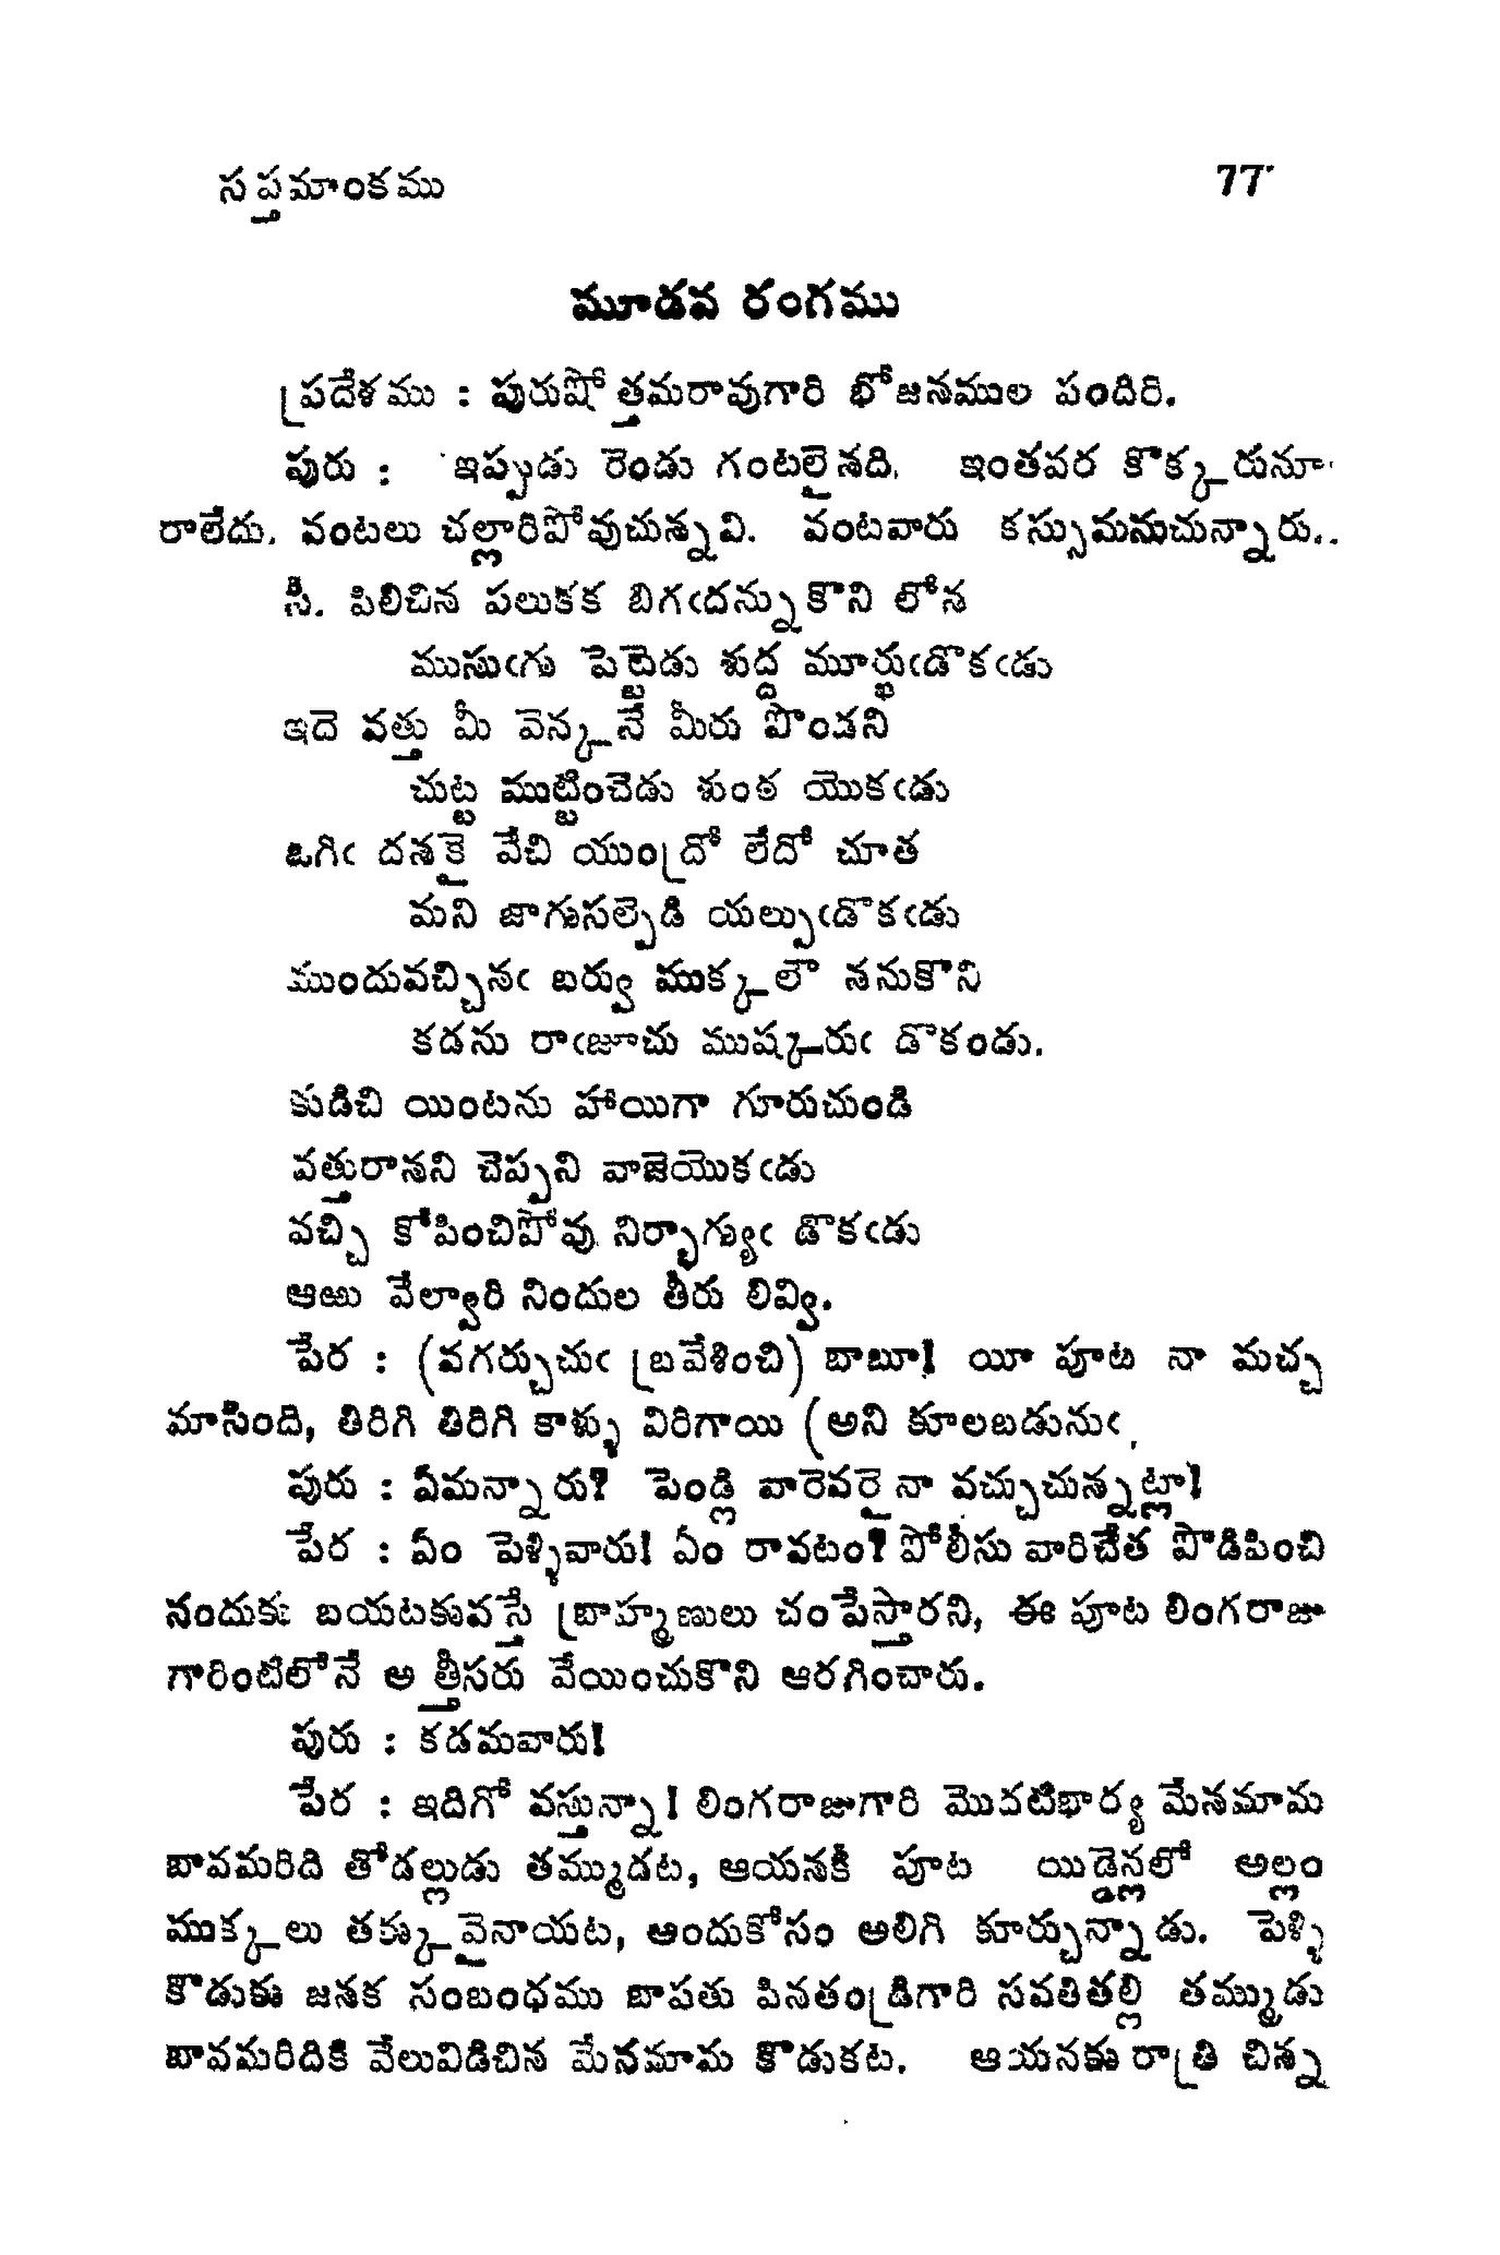మూడవ రంగము

పురు :- ఇప్పుడు రెండు గంటలైనది. ఇంతవర కొక్కరునూ రాలేదు. వంటలు చల్లారిపోవుచున్నవి. వంటవారు కస్సుమనుచున్నారు.

సీ. పిలిచిన బలుకక బిగఁదన్నుకొని లోన
 ముసుఁగుఁ పెట్టెడు శుద్ధ మూర్ఖుఁడొకఁడు
 ఇదె వత్తు మీ వెన్కనే మీరు పొండని
 చుట్ట ముట్టించెడు శుంఠ యొకఁడు
 ఒగిఁ దనకై వేచి యుంద్రో లేదో చూత
 మని జాగుసల్పెడి యల్పుఁడొకఁడు
 ముందువచ్చినఁ బర్వు ముక్కలౌ ననుకొని
 కడను రాఁజూచు ముష్కరుఁ డొకండు

 కుడిచి యింటను హాయిగా గూరుచుండి
 వత్తురానని చెప్పని వాజెయొకఁడు
 వచ్చి కోపించిపోవు నిర్భాగ్యు డొకఁడు
 ఆఱు వేల్వారి నిందుల - తీరు లివ్వి.
పేర :- (వగర్చుచుఁ బ్రవేశించి) బాబూ! యీ పూట నామచ్చ మాసింది. తిరిగి తిరిగి కాళ్ళు విరిగాయి. (అని కూలఁబడును.)

పురు :- ఏమన్నారు? పెండ్లి వారెవరైన వచ్చుచున్నట్లా?

పేర :- ఏం పెళ్ళివారు! ఏం రావటం? పోలీసు వారిచేత పొడిపించినందుకు బయటకువస్తే బ్రాహ్మణులు చంపేస్తారని, ఈపూట లింగరాజు గారింటిలోనే అత్తీసరు వేయించుకుని ఆరగించారు.

పురు :- కడమవారు?

పేర :- ఇదిగో వస్తున్నా. లింగరాజుగారి మొదటిభార్య మేనమామ బావమరిది తోడల్లుడు తమ్ముడట, ఆయనకీ పూట యిడ్డెన్లలో అల్లం ముక్కలు తక్కువైనాయట, అందుకోసం అలిగి కూర్చున్నాడు. పెళ్ళికొడుకు జనక సంబంధము బాపతు పినతండ్రిగారి సవతితల్లి తమ్ముడు బావమరిదికి వేలువిడిచిన మేనమామ కొడుకట. ఆయనకు రాత్రి చిన్న